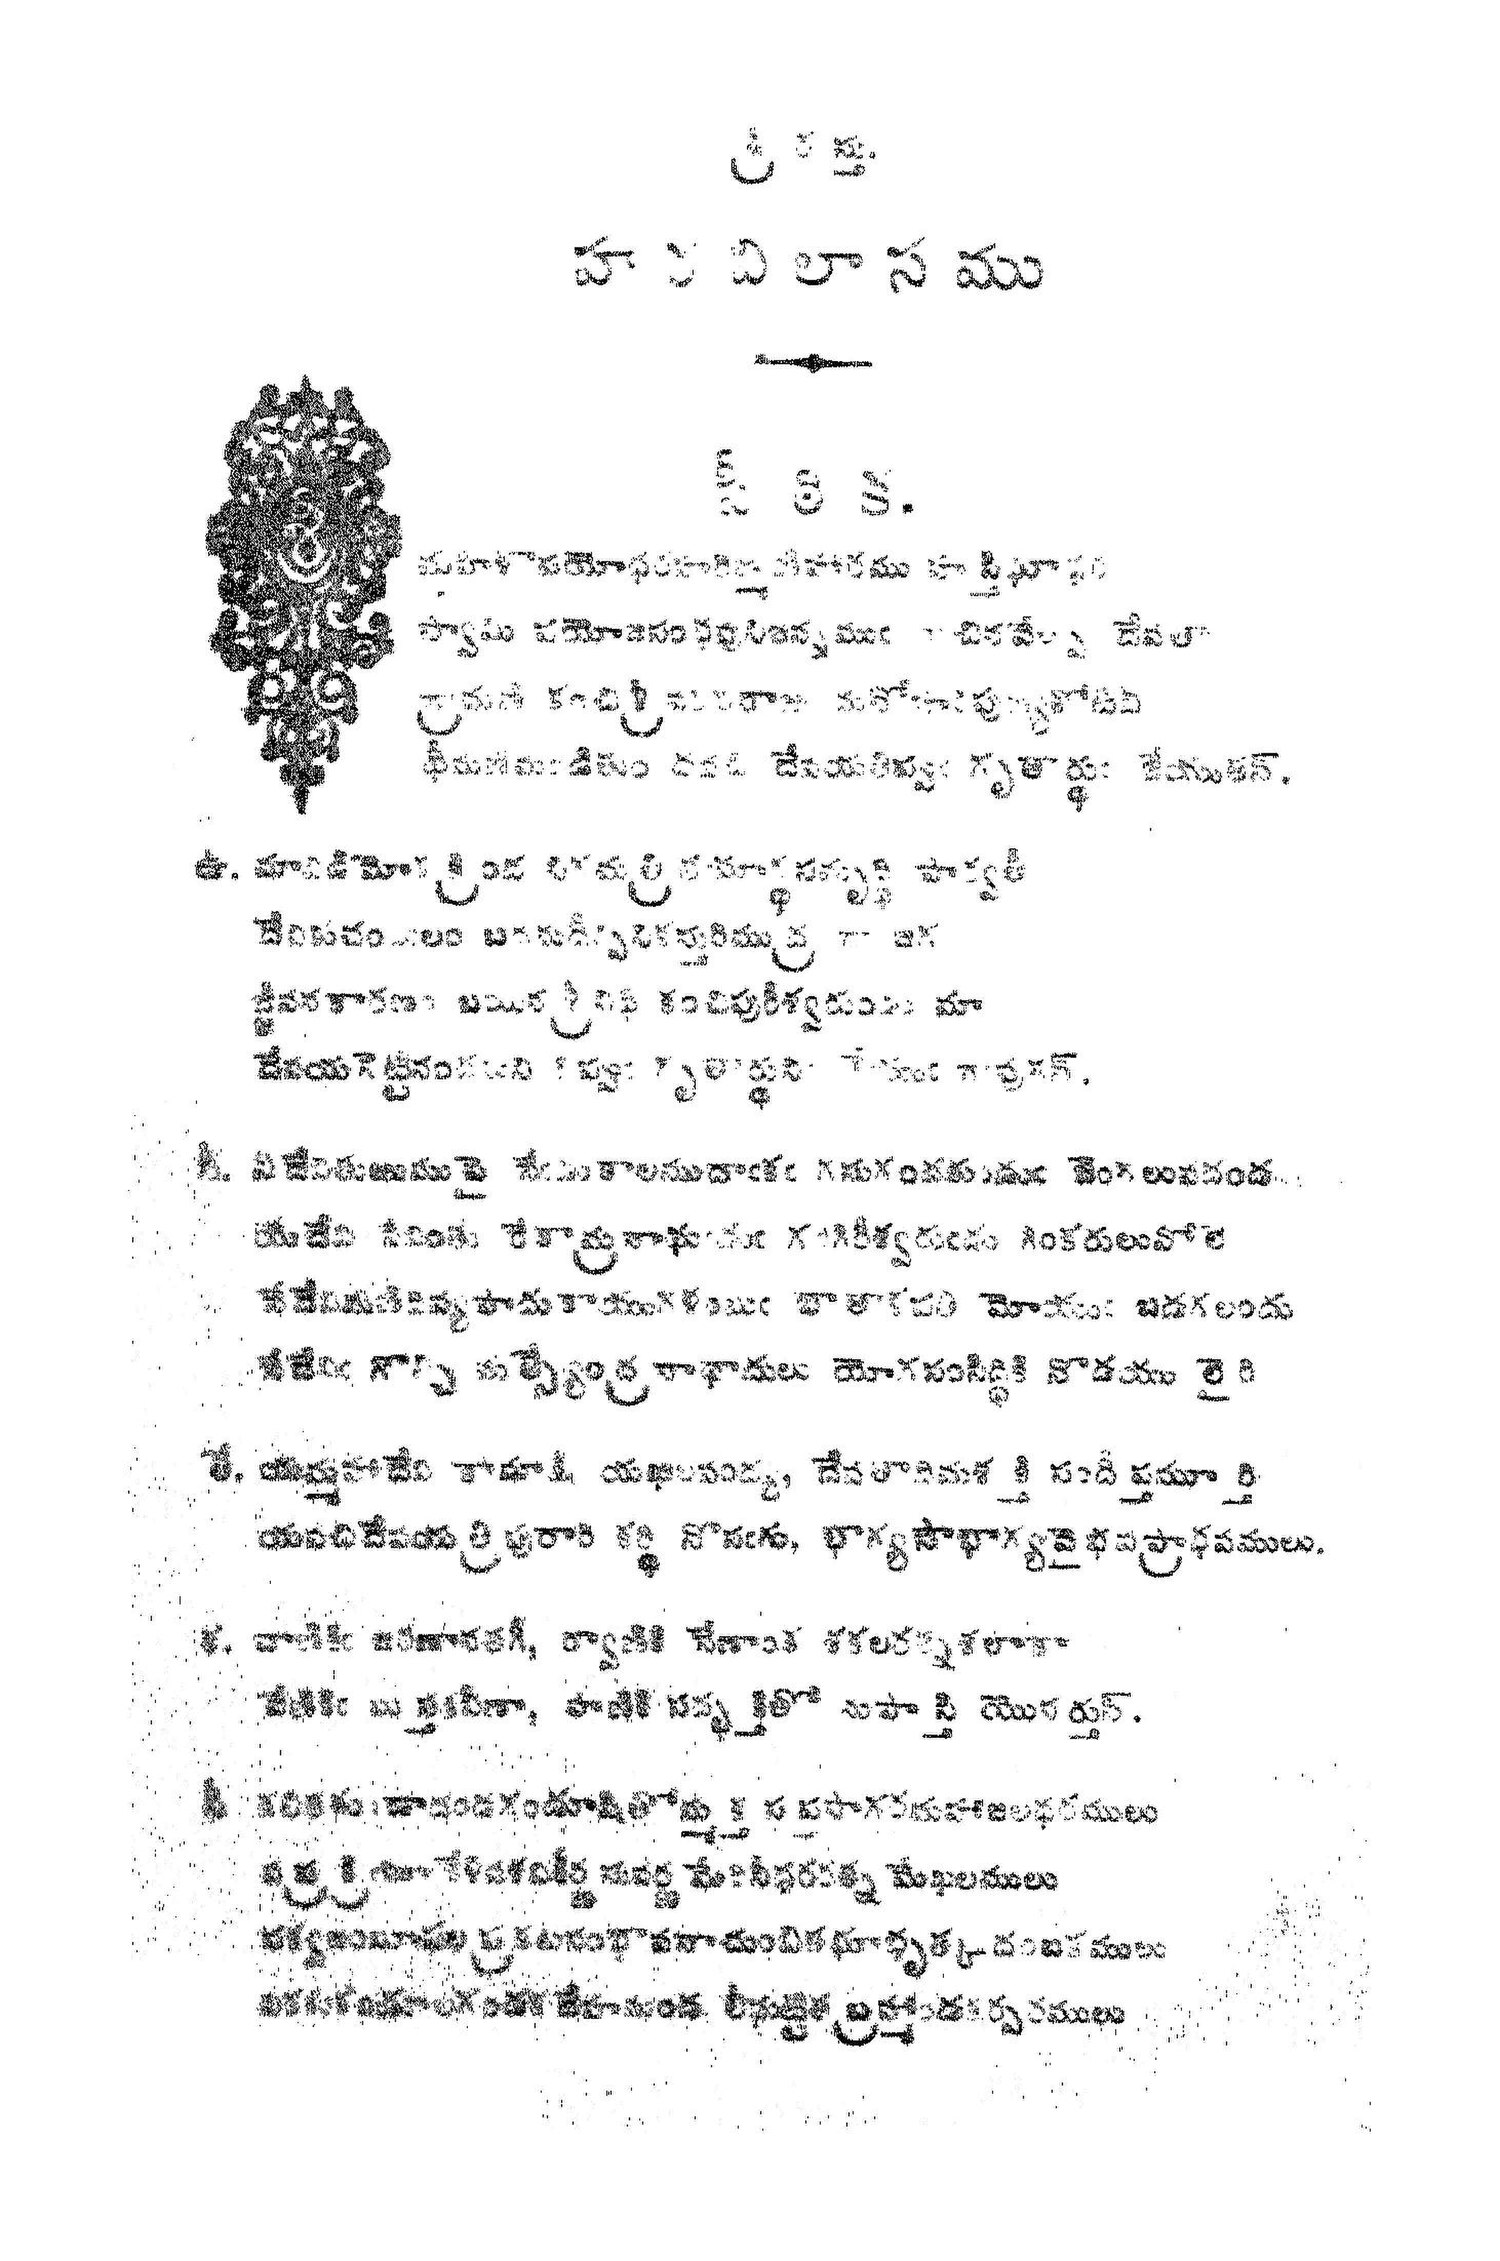శ్రీమహిళాపయోధరహరిన్మణిహారము, హస్తి భూధర
స్వామి, పయోజసంభవుని జన్నముఁ గాచిన వేల్పు, దేవతా
గ్రామణి, కంచి శ్రీ వరదరాజు మనోహర పుణ్యకోటి వీ
థీమణిమండితుం డవచి దేవయ తిప్పుఁ గృతార్థుఁ జేయుతన్.

ఉ. మావిడి మోక క్రింద నిగమత్రయయార్థసమృద్ధిఁ పార్వతీ
దేవి కుచంబులన్ బదను దీర్పని కస్తురిముద్రగా జగ
జ్జీవనకారణం బయిన శ్రీనిధి కంచిపురీశ్వరుండు మా
దేవయసెట్టి నందనుని దిప్పుఁ గృతార్థుని జేయుఁ గావుతన్.

సీ. ఏదేవి తుఱుముపై నేఁడుకాలము దాఁకఁ
గసుగందకుండుఁ జెంగలువ దండ;
యేదేవి సేవింతు రేకామ్రనాథుండుఁ
గరి గిరీశ్వరుఁడుఁ గింకరులు వోలె;
నే దేవి మణి దివ్యపాదుకాయుగళంబుఁ
బాతాళపతి మోచుఁ బడగ లందు;
నే దేవిఁ గొల్చి మత్స్యేంద్రనాథాదులు
యోగసంసిధ్ధికి నొడయు లైరి;
తే. యమ్మహాదేవి కామాక్షి యఖిలవంద్య,
దేవతాదిమశక్తి సందీప్తమూర్తి
యవచి దేవయ త్రిపురారి కర్థి నొసఁగు
భాగ్యసౌభాగ్యవైభవప్రాభవములు.

క. వాణికిఁ, జరణానత గీ
ర్వాణికి, నేణాంకశకలరత్నశలాకా
వేణికిఁ, బుస్తకవీణా
పాణికి, సద్భక్తితో నుపాస్తి యొనర్తున్.

సీ. కలితశుండాదండగండూషితోన్ముక్త
సప్తసాగరమహాజలభరములు
వప్రక్రియాకేళి వశవిశీర్ణసువర్ణ
మేదినీధరరత్నమేఖలములు
పక్వజంబూఫలప్రకటసంభావనా
చుంబితభూభృత్కదంబకములు
వికటకండూలగండకదేహమండలి
ఘట్టితబ్రహ్మాండకర్పరములు